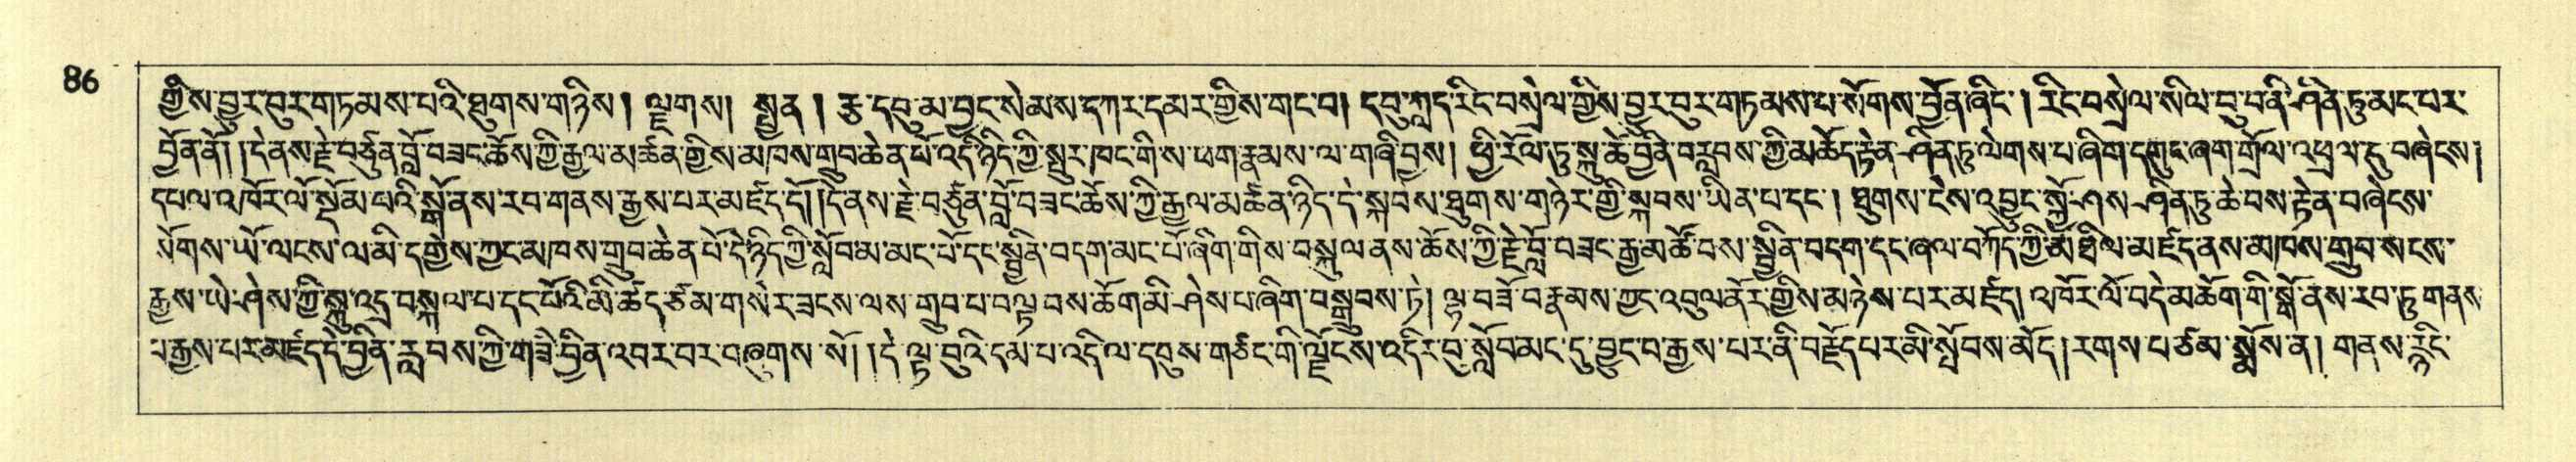གྱིས་བྱུར་བུར་གཏམས་པའི་ཐུགས་གཉིས། ལྗགས། སྤྱན། རྩ་དབུ་མ་བྱང་སེམས་དཀར་དམར་གྱིས་གང་བ། དབུ་ཀླད་རིང་བསྲེལ་གྱིས་བྱུར་བུར་གཏམས་པ་སོགས་བྱོན་ཞིང་། རིང་བསྲེལ་སིལ་བུ་བ་ནི་ཤིན་ཏུ་མང་པར་
བྱོན་ནོ། །དེ་ནས་རྗེ་བཙུན་བློ་བཟང་ཆོས་ཀྱི་རྒྱལ་མཚན་གྱིས་མཁས་གྲུབ་ཆེན་པོ་འདི་ཉིད་ཀྱི་སྤུར་ཁང་གི་ས་ཕག་རྣམས་ལ་གཞི་བྱས། ཕྱི་རོལ་ཏུ་སྐུ་ཚེ་བྱིན་བརླབས་ཀྱི་མཆོད་རྟེན་ཤིན་ཏུ་ལེགས་པ་ཞིག་དགུང་ཞག་གྲོལ་འཕྲལ་དུ་བཞེངས།
དཔལ་འཁོར་ལོ་སྡོམ་པའི་སྒོ་ནས་རབ་གནས་རྒྱས་པར་མཛད་དོ། །དེ་ནས་རྗེ་བཙུན་བློ་བཟང་ཆོས་ཀྱི་རྒྱལ་མཚན་ཉིད་དེ་སྐབས་ཐུགས་གཉེར་གྱི་སྐབས་ཡིན་པ་དང་། ཐུགས་ངེས་འབྱུང་སྐྱོ་ཤས་ཤིན་ཏུ་ཆེ་བས་རྟེན་བཞེངས་
སོགས་ཡོ་ལངས་ལ་མི་དགྱེས་ཀྱང་མཁས་གྲུབ་ཆེན་པོ་དེ་ཉིད་ཀྱི་སློབ་མ་མང་པོ་དང་སྦྱིན་བདག་མང་པོ་ཞིག་གིས་བསྐུལ་ནས་ཆོས་ཀྱི་རྗེ་བློ་བཟང་རྒྱ་མཚོ་བས་སྦྱིན་བདག་དང་ཞལ་བཀོད་ཀྱི་མཐིལ་མཛད་ནས་མཁས་གྲུབ་སངས་
རྒྱས་ཡེ་ཤེས་ཀྱི་སྐུ་འདྲ་བསྐལ་བ་དང་པོའི་མི་ཚད་ཙམ་གསེར་ཟངས་ལས་གྲུབ་པ་བལྟབས་ཆོག་མི་ཤེས་པ་ཞིག་བསྒྲུབས་ཏེ། ལྷ་བཟོ་བ་རྣམས་ཀྱང་འབུལ་ནོར་གྱིས་མཉེས་པར་མཛད། འཁོར་ལོ་བདེ་མཆོག་གི་སྒོ་ནས་རབ་ཏུ་གནས་
པ་རྒྱས་པར་མཛད་དེ་བྱིན་རླབས་ཀྱི་གཟི་བྱིན་འབར་བར་བཞུགས་སོ། །དེ་ལྟ་བུའི་དམ་པ་འདི་ལ་དབུས་གཙང་གི་ལྗོངས་འདིར་བུ་སློབ་མང་དུ་བྱུང་བ་རྒྱས་པར་ནི་བརྗོད་པར་མི་སྤོབས་མོད། རགས་པ་ཙམ་སྨོས་ན། གནས་རྙིང་